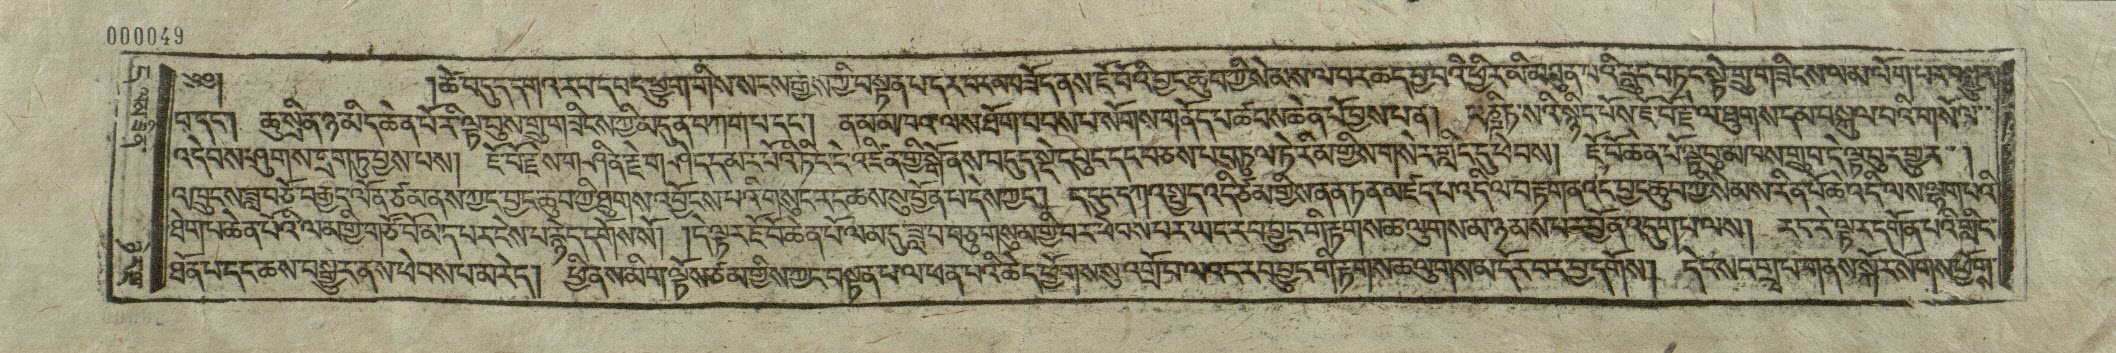༄༅། །ཚེ་བདུད་དགའ་རབ་དབང་ཕྱུག་གིས་སངས་རྒྱས་ཀྱི་བསྟན་པ་དར་བར་མ་བཟོད་ནས་ཇོ་བོའི་བྱང་ཆུབ་ཀྱི་སེམས་ལ་བར་ཆད་བྱ་བའི་ཕྱིར་མི་མཐུན་པའི་རླུང་བཏང་སྟེ་གྲུ་གཟིངས་ལམ་ལོག་པར་བསྒྱུར་
བ་དང་། ཆུ་སྲིན་ཉ་མིད་ཆེན་པོ་རི་ལྟ་བུས་གྲུ་གཟིངས་ཀྱི་མདུན་བཀག་པ་དང་། ནམ་མཁའ་ལས་ཐོག་བབས་པ་སོགས་གནོད་པ་ཚབས་ཆེན་པོ་བྱས་པ་ན། པཎྜི་ཏ་སའི་སྙིང་པོས་ཇོ་བོ་རྗེ་ལ་ཐུགས་དམ་བསྐུལ་བའི་གསོལ་
འདེབས་ཤུགས་དྲག་ཏུ་བྱས་པས། ཇོ་བོ་རྗེས་གཤིན་རྗེ་གཤེད་དམར་པོའི་ཏིང་ངེ་འཛིན་གྱི་སྒོ་ནས་བདུད་སྡེ་དཔུང་དང་བཅས་པ་བཏུལ་ཏེ་རིམ་གྱིས་གསེར་གླིང་དུ་ཕེབས། ཇོ་བོ་ཆེན་པོ་ལྟ་བུ་མཁས་གྲུབ་དེ་ལྟ་བུར་གྱུར།
འཁྲུངས་ཟླ་བཅོ་བརྒྱད་ལོན་ཙམ་ནས་ཀྱང་བྱང་ཆུབ་ཀྱི་ཐུགས་འབྱོངས་པའི་གསུང་རང་ཆས་སུ་བྱོན་པ་དེས་ཀྱང་། ད་དུང་དཀའ་སྤྱད་འདི་ཙམ་གྱིས་ནན་ཏན་མཛད་པ་འདི་ལ་བརྟག་ནའང་བྱང་ཆུབ་ཀྱི་སེམས་རིན་པོ་ཆེ་འདི་ལས་ལྷག་པའི་
ཐེག་པ་ཆེན་པོའི་ལམ་གྱི་གཙོ་བོ་མེད་པར་ངེས་པ་རྙེད་དགོས་སོ། །དེ་ལྟར་ཇོ་བོ་ཆེན་པོ་ལམ་དུ་ཟླ་བ་བཅུ་གསུམ་གྱི་བར་ཕེབས་པར་ཡང་རབ་བྱུང་གི་རྟགས་ཆ་ལུགས་མ་ཉམས་པར་བྱོན་འདུག་པ་ལས། རང་རེ་ལྟར་དགོན་པའི་གླིང་
ཐོན་པ་དང་ཆས་བསྒྱུར་ནས་ཕེབས་པ་མ་རེད། ཕྱི་ནས་མིག་ལྟོས་ཙམ་གྱིས་ཀྱང་བསྟན་པ་ལ་ཕན་པའི་ཆེད་ཕྱོགས་སུ་འགྲོ་བ་ལའང་རབ་བྱུང་གི་རྟགས་ཆ་ལུགས་མ་དོར་བར་བྱ་དགོས། །དེང་སང་གྲྭ་པ་གནས་སྐོར་སོགས་ཕྱོགས་